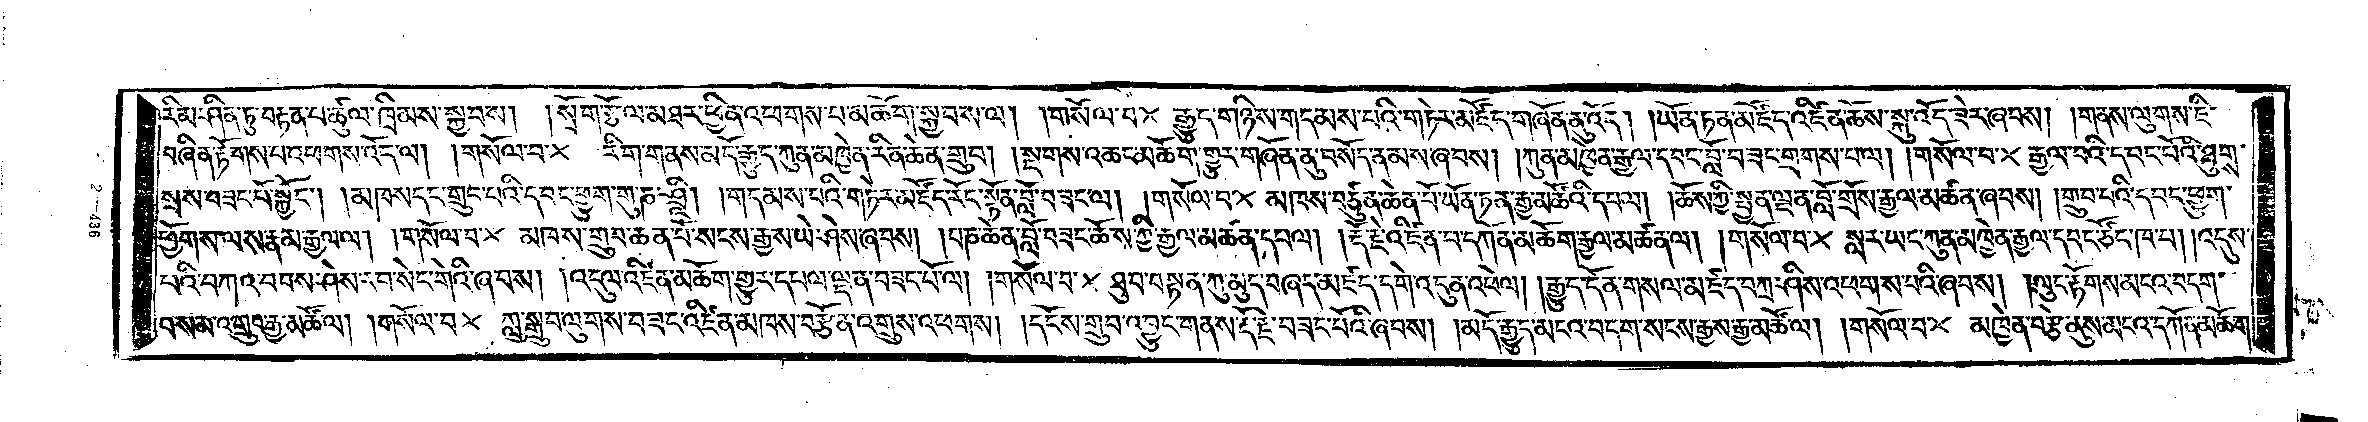རིམ་ཤིན་ཏུ་བརྟན་པ་ཚུལ་ཁྲིམས་སྐྱབས། །སྲོག་རྩོལ་མཐར་ཕྱིན་འཕགས་པ་མཆོག་སྐྱབས་ལ། །གསོལ་བ་྾་རྒྱུད་གཉིས་གདམས་པའི་གཏེར་མཛོད་གཞོན་ནུ་འོད། །ཡོན་ཏན་མཛོད་འཛིན་ཆོས་སྐུ་འོད་ཟེར་ཞབས། །གནས་ལུགས་ཇི་
བཞིན་རྟོགས་པ་འཕགས་འོད་ལ། །གསོལ་བ་྾་རིག་གནས་མདོ་རྒྱུད་ཀུན་མཁྱེན་རིན་ཆེན་གྲུབ། །སྔགས་འཆང་མཆོག་གྱུར་གཞོན་ནུ་བསོད་ནམས་ཞབས། །ཀུན་མཁྱེན་རྒྱལ་དབང་བློ་བཟང་གྲགས་པ་ལ། །གསོལ་བ་྾་རྒྱལ་བའི་དབང་པོའི་ཐུགས་
སྲས་བཟང་པོ་སྐྱོང་། །མཁས་དང་གྲུབ་པའི་དབང་ཕྱུག་གུ་ཎ་ཤྲཱི། །གདམས་པའི་གཏེར་མཛོད་རོང་སྟོན་བློ་བཟང་ལ། །གསོལ་བ་྾་མཁས་བཙུན་ཆེན་པོ་ཡོན་ཏན་རྒྱ་མཚོའི་དཔལ། །ཆོས་ཀྱི་སྤྱན་ལྡན་བློ་གྲོས་རྒྱལ་མཚན་ཞབས། །གྲུབ་པའི་དབང་ཕྱུག་ཕྱོགས་ལས་རྣམ་རྒྱལ་ལ། །གསོལ་བ་྾་མཁས་གྲུབ་ཆན་པོ་སངས་རྒྱས་ཡེ་ཤེས་ཞབས། །པཎ་ཆེན་བློ་བཟང་ཆོས་ཀྱི་རྒྱལ་མཚན་དཔལ། །རྡོ་རྗེ་འཛིན་པ་དཀོན་མཆོག་རྒྱལ་མཚན་ལ། །གསོལ་བ་྾་སླར་ཡང་ཀུན་མཁྱེན་རྒྱལ་དབང་ཙོང་ཁ་པ། །འདུས་
པའི་བཀའ་བས་ཤེས་རབ་སེང་གེའི་ཞབས། །འདུལ་འཛིན་མཆོག་གྱུར་དཔལ་ལྡན་བཟང་པོ་ལ། །གསོལ་བ་྾་ཐུབ་བསྟན་ཀུ་མུད་བཞད་མཛད་དགེ་འདུན་འཕེལ། །རྒྱུད་དོན་གསལ་མཛད་བཀྲ་ཤིས་འཕགས་པའི་ཞབས། །ལུང་རྟོགས་མངའ་བདག་
བསམ་འགྲུབ་རྒྱ་མཚོ་ལ། །གསོལ་བ་྾་ཀླུ་སྒྲུབ་ལུགས་བཟང་འཛིན་མཁས་བརྩོན་འགྲུས་འཕགས། །དངོས་གྲུབ་འབྱུང་གནས་རྡོ་རྗེ་བཟང་པོའི་ཞབས། །མདོ་རྒྱུད་མངའ་བདག་སངས་རྒྱས་རྒྱ་མཚོ་ལ། །གསོལ་བ་྾་མཁྱེན་བརྩེ་ནུས་མངའ་དཀོན་མཆོག་